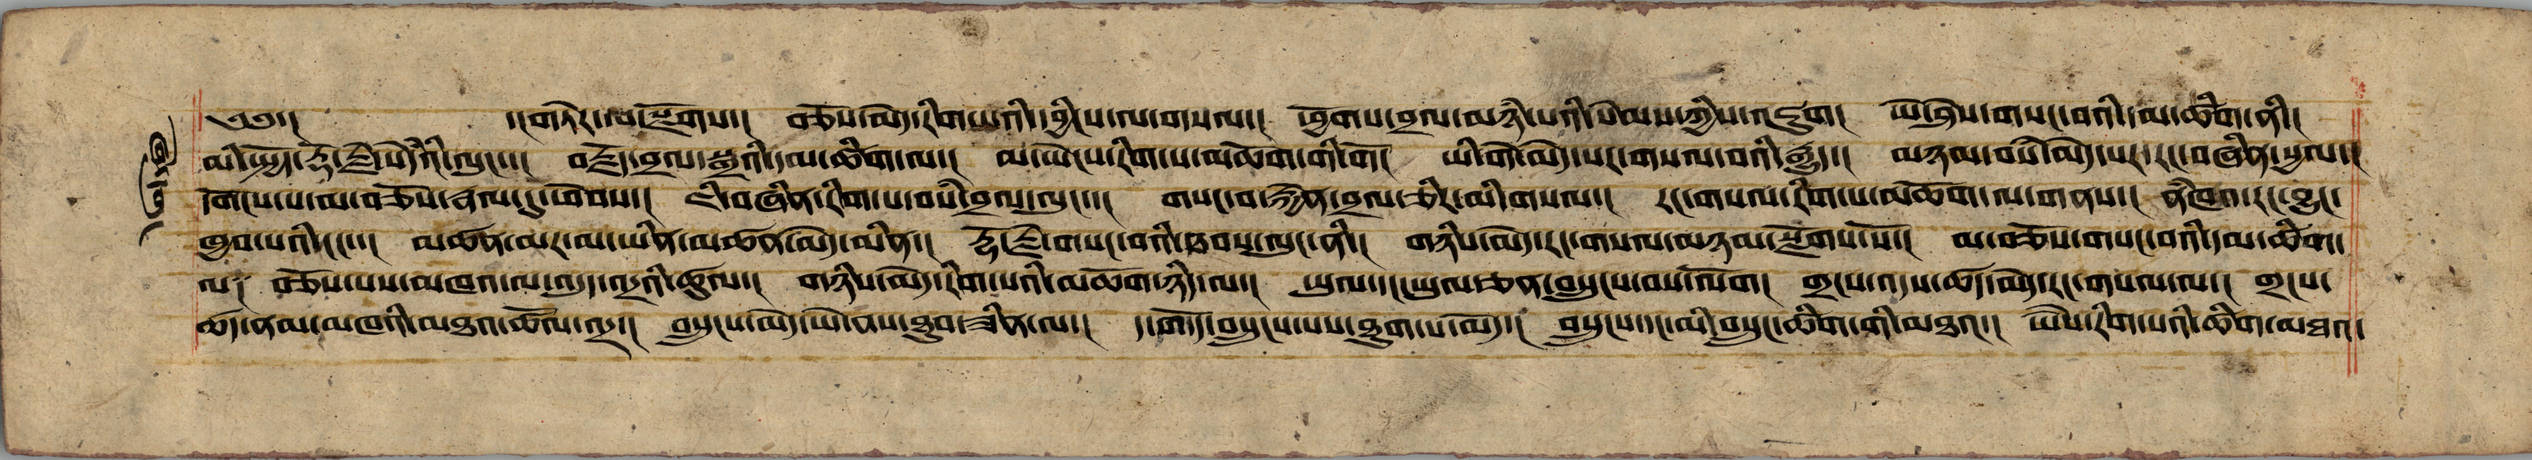༄༅་། ་།གཏེར་ལ་སྫོགས་། བཅོས་མེད་རིག་པའི་དབྱིངས་ལ་གསལ་། ཕྱོགས་བྲལ་མཉཾ་པའི་སེམས་ཀྱིས་འཇུག། ཡེ་ཤེས་གསང་བའི་དམ་ཚིག་ནི་།
མི་སྤྱོད་རྡོ་རྗེ་སེཾདེའི་ལུང་་། བརྗོད་བྲལ་སྒྲའི་དམ་ཚིག་ལ་། མ་ཡེངས་རིག་པ་མཆོག་གི་གོ། ཡི་གེ་མེད་པར་གསལ་བའི་རྒྱུད་། མཉམ་བསཾ་མེད་པར་རང་བཞིན་སྱལ་།
དགོངས་པ་མ་བཅོས་རྣལ་དུ་ཕེབས་། ཇི་བཞིན་རིག་པ་བསཾ་བྲལ་ལུང་་། གསང་བ་སྐྱེན་བྲལ་ཅིར་མི་གསལ་། རང་གསལ་རིག་པ་མཆོག་ལ་གནས་། ནཾཁའ་རང་བྱུང་
ཁྱབ་པའི་ངང་་། མཚན་མར་མ་ཡིན་མཚན་མེད་ཡིན་། རྡོ་རྗེ་གསང་བའི་ཐབས་ལུང་ནི་། གཉིས་མེད་རང་གསལ་མཉམ་སྫོགས་སོ་། མ་བཅོས་གསང་བའི་དམ་ཚིག་
ལ༑ བཅོས་པས་མཁའ་ལ་འདུད་འདྲའི་ཚུལ་། གཉིས་མེད་རིག་པའི་མཆོག་ཉིད་ལ་། ཡུལ་དང་ཡུལ་ཅན་བསྲུངས་བས་ལོག། གྲངས་འདས་ཚད་མེད་རང་གསལ་ལ་། གྲངས་
ཚད་ནམ་མཁའི་མཐའ་ཚོལ་འདྲ་། བསྲུངས་མེད་ཡེ་ནས་ཐུབ་ཟིན་ལ་། ད་གདོད་བསྲུངས་པས་ཐུག་པ་མེད་། བསྲུངས་དང་མི་བསྲུང་ཚིག་གི་མཐའ་། ཡཻས་རིག་པའི་ཚིག་མཐའ་